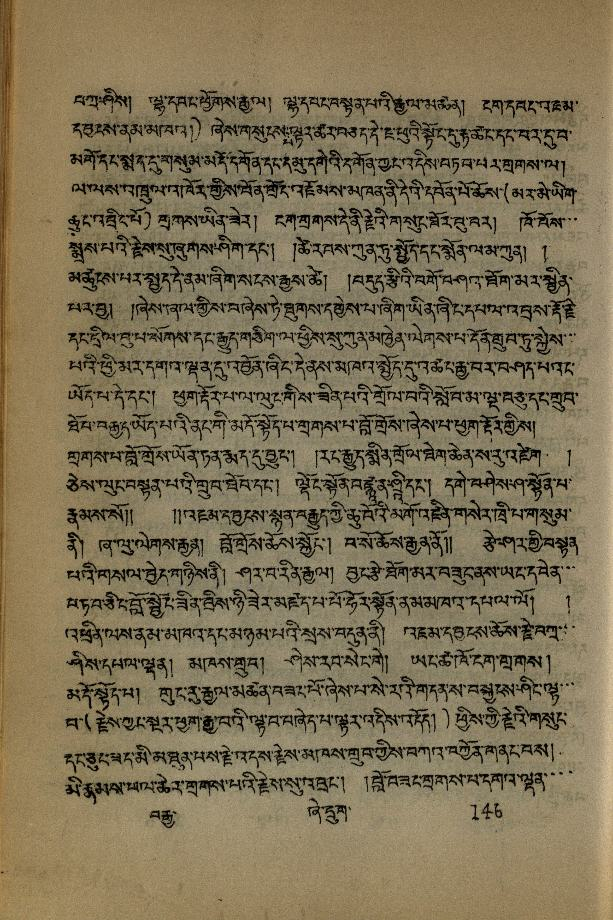བཀྲ་ཤིས། ལྷ་དབང་ཕྱོགས་རྒྱལ། ལྷ་དབང་བསྟན་པའི་རྒྱལ་མཚན། ངག་དབང་འཇམ་
དབྱངས་ནས་མཁའ། ཞེས་གསུངས་པ་ལྟར་ཚར་བཅད་དེ་ཇ་ཕུའི་སྟོང་དུ་རྟ་ཚང་དང་བར་དུ་བ་
མགོ་དང་སྨད་དུ་གསུམ་མདོ་དགོན་དང་དམུ་དགེའི་དགོན་ཀྱང་འདིས་བཏབ་པར་གྲགས་ལ།
ལ་ལས་འཁྲུལ་འཁོར་གྱི་ས་བོན་གྲོང་འཇོམས་མཁན་ནི་དེའི་དབོན་པོ་ཆོས་མར་མེ་ཡིག་
ཆུང་འབྲིང་པོ་གྲགས་ཡིན་ཟེར། ངག་གྲགས་དེ་ནི་རྗེའི་གསུང་ཐོར་བུ་བར། ཁོ་བོས་
སྨྲས་པའི་རྗེས་སུ་ཞུགས་ཤིག་དང་། །ཚེ་རབས་ཀུན་ཏུ་སྤྱོད་དང་སྨོན་ལམ་ཀུན། །
མཚུངས་པར་སྤྱད་དེ་ནམ་ཞིག་སངས་རྒྱས་ཚེ། །བདུད་རྩིའི་བགོ་བཤའ་ཐོག་མར་སྦྱིན་
པར་བྱ། །ཞེས་ཞལ་གྱིས་བཞེས་ཏེ་ཐུགས་དགྱེས་པ་ཞིག་ཡིན་ཞིང་དཔལ་འབྲས་རྡོ་རྗེ་
དང་དྲིལ་བུ་པ་སོགས་དང་རྒྱུད་གཅིག་ལ་ཕྱིས་སུ་ཀུན་མཁྱེན་ལེགས་པ་དོན་གྲུབ་ཏུ་སྐྱེས་
པའི་ཕྱི་མར་དགའ་ལྡན་དུ་འབྱོན་ཞིང་དེ་ནས་མཁའ་སྤྱོད་དུ་འཚང་རྒྱ་བར་བཤད་པའང་
ཡོད་པ་དེ་དང་། ཕྱག་རྡོར་པ་ལ་ལུང་གིས་ཟིན་པའི་གྲོལ་བའི་སློབ་མ་ལྔ་བཅུ་དང་གྲུབ་
ཐོབ་བརྒྱད་ཡོད་པའི་ནང་གི་མདོ་སྟོད་པ་གྲགས་པ་བློ་གྲོས་ཞེས་པ་ཕྱག་རྡོར་གྱིས།
གྲགས་པ་བློ་གྲོས་ཡོན་ཏན་རྨད་དུ་བྱུང་། །རང་རྒྱུད་སྨིན་གྲོལ་ཐེག་ཆེན་ས་རུ་འཛེག །
ཅེས་ལུང་བསྟན་པའི་གྲུབ་ཐོབ་དང་། ལྡོང་སྟོན་བཛྙཱ་ན་ཤྲཱི་དང་། དགེ་བཤེས་ཤ་སྟོན་པ་
རྣམས་སོ།། །།འཇམ་དབྱངས་སྙན་བརྒྱུད་ཀྱི་ཆུ་བོའི་མགོ་འཛིན་གསེར་ཁྲི་པ་གསུམ་
ནི། ཞ་ལུ་ལེགས་རྒྱན། བློ་གྲོས་ཆོས་སྐྱོང་། བ་སོ་ཆོས་རྒྱན་ནོ།། རྩེ་ཤར་གྱི་བསྟན་
པའི་གསལ་བྱེད་གཉིས་ནི། ཤར་བ་རིན་རྒྱལ། བྱང་རྩེ་ཐོག་མར་བཟུང་ནས་ཡང་དབེན་
བཏབ་ཅིང་བློ་སྦྱོང་ཟིན་བྲིས་ཉི་ཟེར་མཛད་པ་པོ་ཧོར་སྟོན་ནམ་མཁའ་དཔལ་ལོ། །
འཕྲིན་ལས་ནམ་མཁའ་དང་མཉམ་པའི་སྲས་བདུན་ནི། འཇམ་དབྱངས་ཆོས་རྗེ་བཀྲ་
ཤིས་དཔལ་ལྡན། མཁས་གྲུབ། ཤེས་རབ་སེང་གེ། ཡང་ཚ་ཁོ་ངག་གྲགས།
མདོ་སྟོད་པ། གུང་རུ་རྒྱལ་མཚན་བཟང་པོ་ཞེས་པ་སེ་རའི་གདན་ས་བསྐྱངས་ཤིང་ལྟ་
བ་རྗེས་ཀྱང་སྔར་ཕྱག་རྒྱ་བའི་ལྟ་བ་བཞེད་པ་ལྟར་འདིས་འདོད།  ཕྱིས་ཀྱི་རྗེའི་གསུང་
དང་ཅུང་ཟད་མི་མཐུན་པས་རྗེ་འདས་རྗེས་མཁས་གྲུབ་ཀྱིས་བཀའ་བཀྱོན་གནང་བས།
མི་རྣམས་ཕལ་ཆེར་གྲགས་པའི་རྗེས་སུ་འབྲང་། །བློ་བཟང་གྲགས་པ་དགའ་ལྡན་